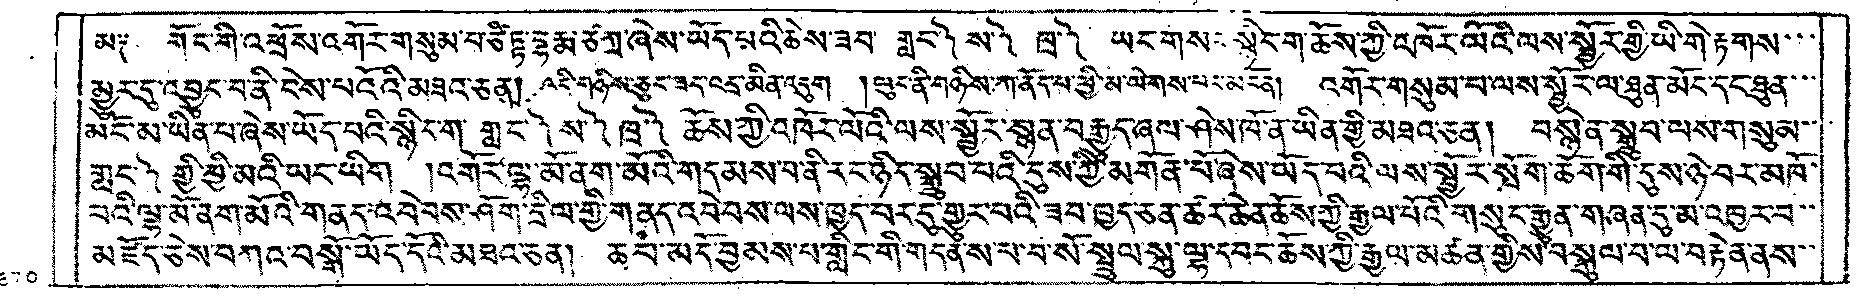མ༑ གོང་གི་འཕྲོས་འགོར་གསུམ་པ་ཙིཏྟ་དྷརྨ་ཙཀྲ་ཞེས་ཡོད་པའི་ཆེས་ཟབ་གླང྄་ས྄་ཁྲ྄་ཡང་གསང་སྙིང་ག་ཆོས་ཀྱི་འཁོར་ལོའི་ལས་སྦྱོར་གྱི་ཡི་གེ་རྟགས་
མྱུར་དུ་འབྱུང་བ་ནི་ངེས་པའོའི་མཐའ་ཅན། འདི་གཉིས་ཅུང་ཟད་འདྲ་མིན་འདུག །ལུང་ནི་གཉིས་ཀ་ནོད་པ་ཕྱི་མ་ལེགས་པར་མངོན།  འགོར་གསུམ་པ་ལས་སྦྱོར་ལ་ཐུན་མོང་དང་ཐུན་
མོང་མ་ཡིན་པ་ཞེས་ཡོད་པའི་སྙིང་ག་གླང྄་ས྄་ཁྲ྄་ཆོས་ཀྱི་འཁོར་ལོའི་ལས་སྦྱོར་སྙན་བརྒྱུད་ཞལ་ཤེས་ཁོ་ན་ཡིན་གྱི་མཐའ་ཅན། བསྙེན་སྒྲུབ་ལས་གསུམ་
གླང྄་གྱི་ཕྱི་མའི་ཡང་ཡིག །འགོར་ལྷ་མོ་ནག་མོའི་གདམས་པ་ནི་རང་ཉིད་སྒྲུབ་པའི་དུས་ཀྱི་མགོན་པོ་ཞེས་ཡོད་པའི་ལས་སྦྱོར་སྤོག་ཆོག་གི་དུས་ཉེ་བར་མཁོ་
བའི་ལྷ་མོ་ནག་མོའི་གནད་འབེབས་ཤོག་དྲིལ་གྱི་གནད་འབེབས་ལས་ཁྱད་པར་དུ་གྱུར་པའི་ཟབ་ཁྱད་ཅན་ཚར་ཆེན་ཆོས་ཀྱི་རྒྱལ་པོའི་གསུང་རྒྱུན་གཞན་དུ་མ་འཁྱར་བ་
མཛོད་ཅེས་བཀའ་བསྒོ་ཡོད་དོའི་མཐའ་ཅན། ཆབ་མདོ་བྱམས་པ་གླིང་གི་གདན་ས་པ་བ་སོ་སྤྲུལ་སྐུ་ལྷ་དབང་ཆོས་ཀྱི་རྒྱལ་མཚན་གྱིས་བསྐུལ་བ་ལ་བརྟེན་ནས་